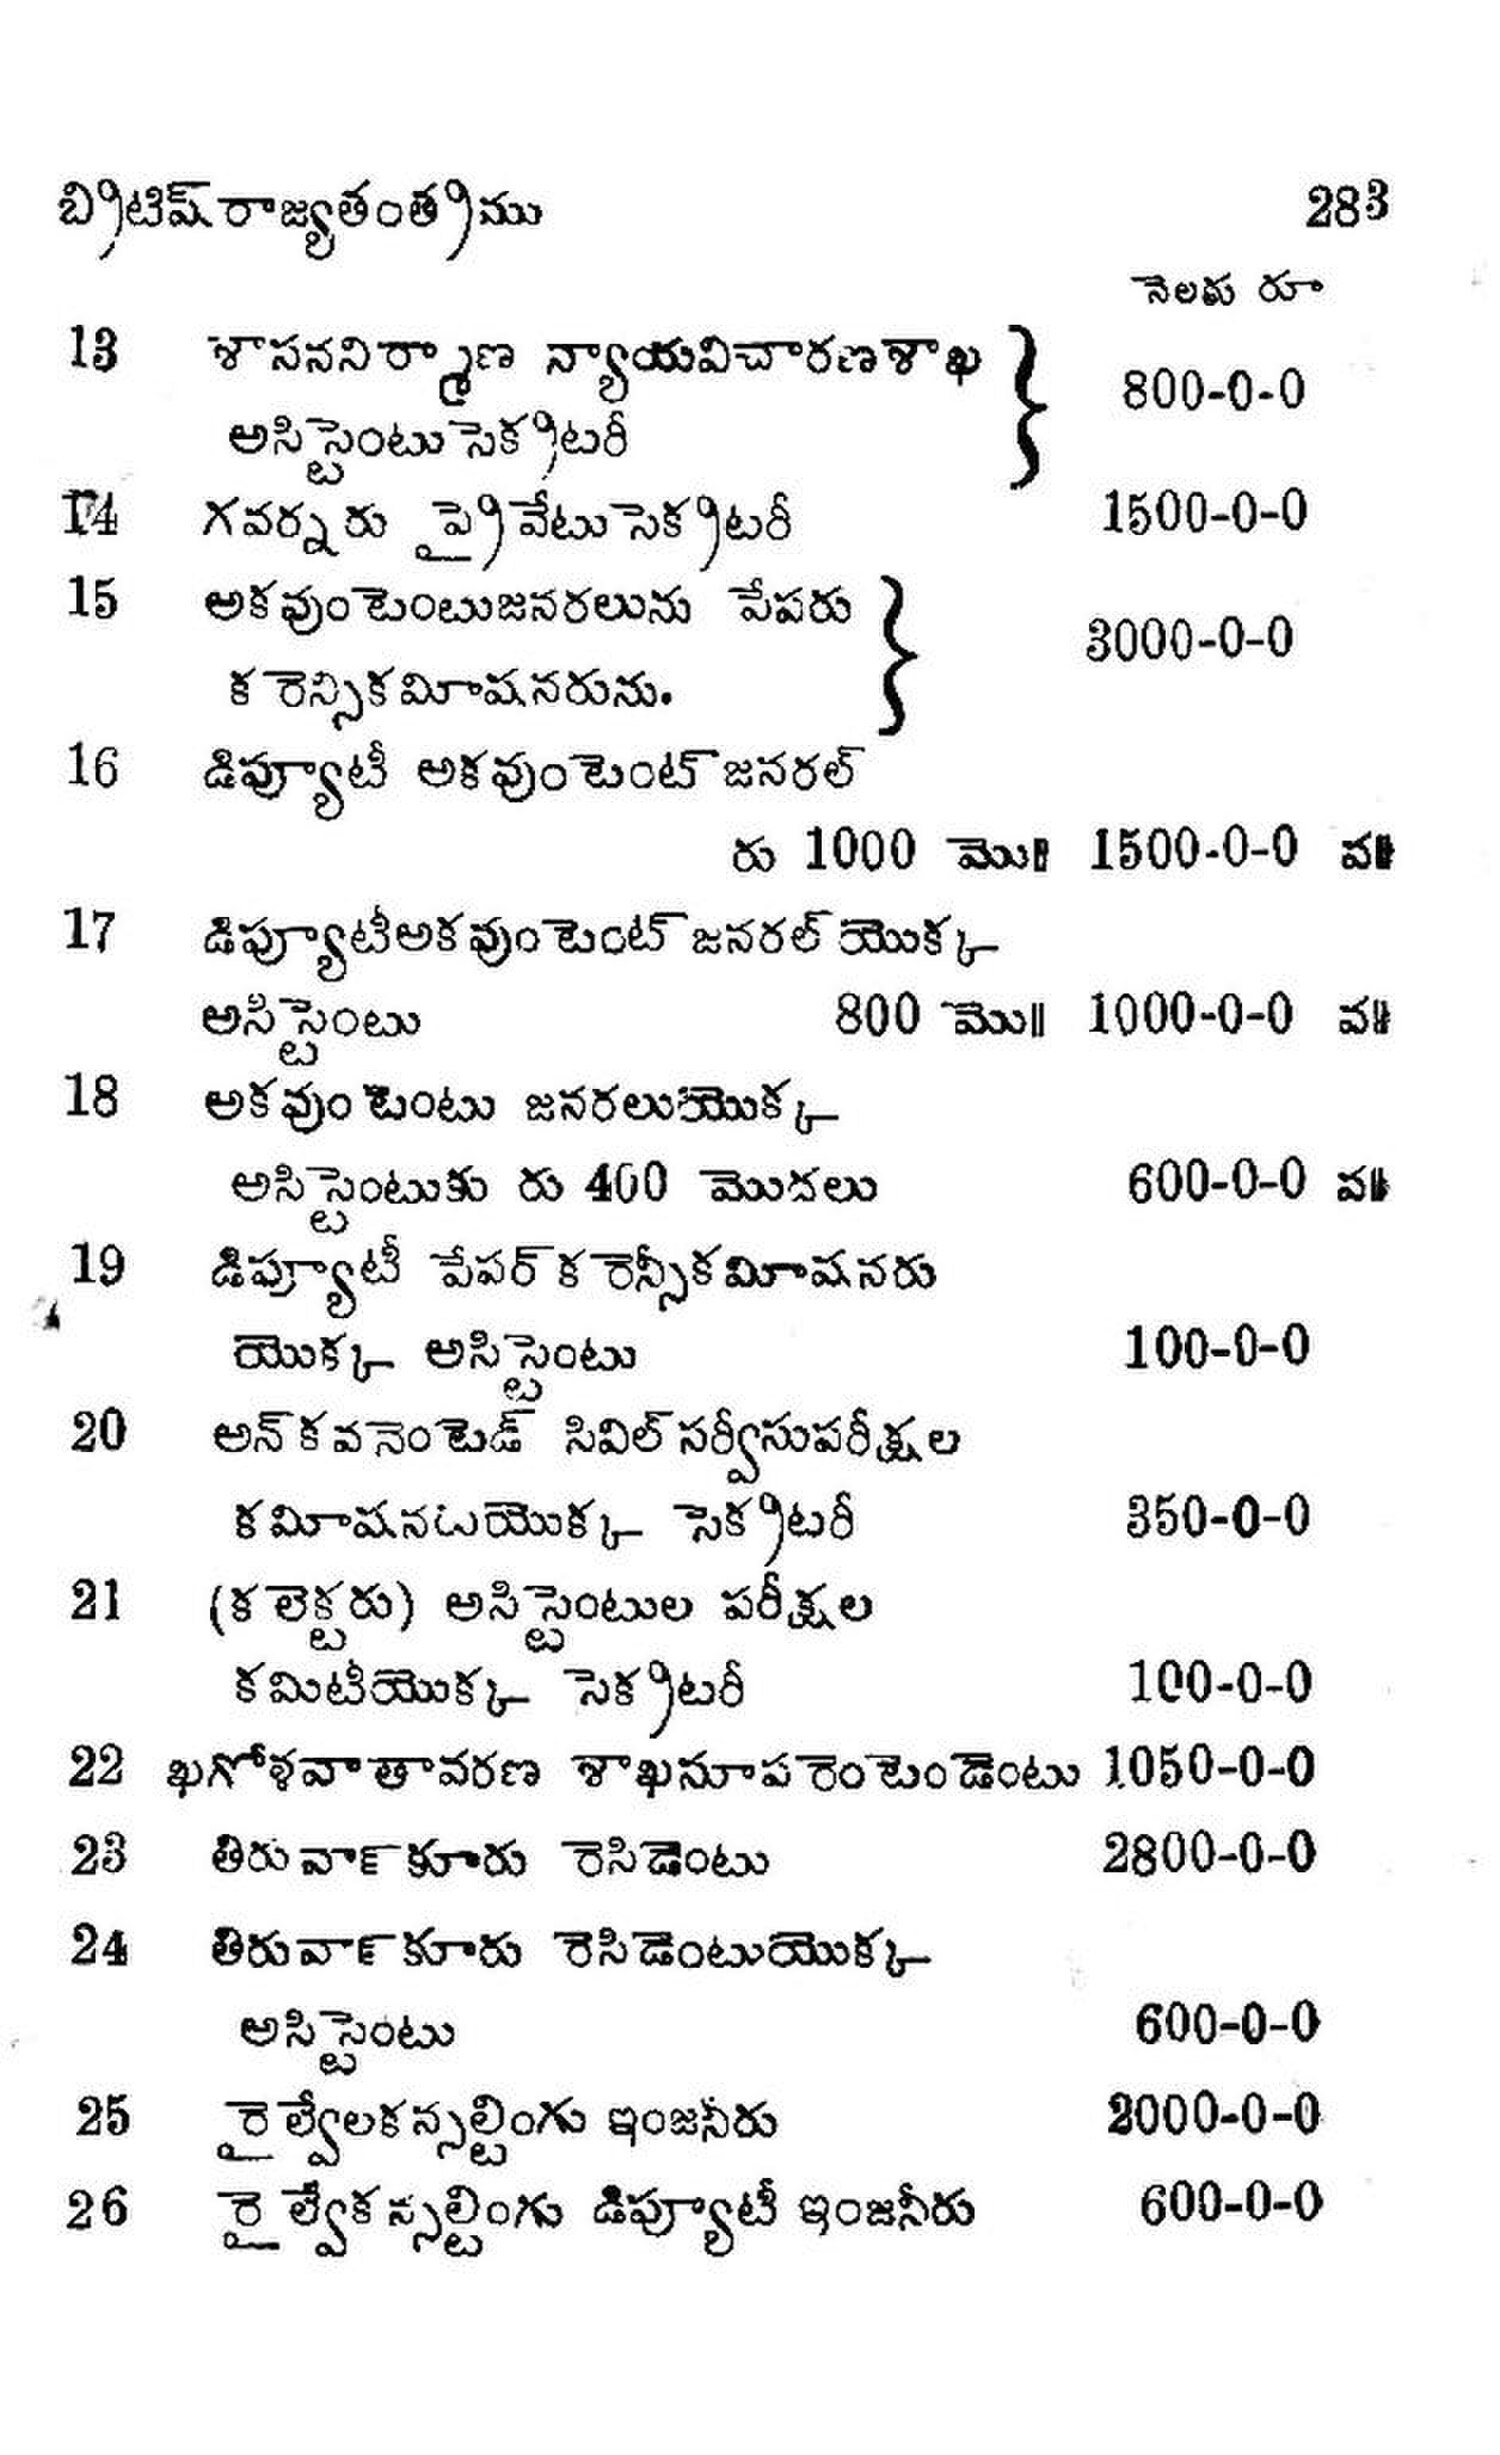13 శాసననిర్మాణ న్యాయవిచారణశాఖ అసిస్టెంటుసెక్రటరీ 800-0-0 14 గవర్నరు ప్రైవేటుసెక్రటరీ 1500-0-0 15 అకవుటెంటుజనరలును పేపరు కరెన్సీకమీషనరును 3000-0-0 16 డిప్యూటీ అకవుటెంట్ జనరల్ రు1000 మొదలు 1500-0-0 వరకు 17 డిప్యూటీ అకవుటెంట్ జనరల్ యొక్క అసిస్టెంటు 800 మొ. 1000-0-0 వరకు 18 అకవుటెంటు జనరలుయొక్క అసిస్టెంటుకు రు 400 మొదలు 600-0-0 వరకు 19 డిప్యూటి పేపర్ కరెన్సీకమీహనరు యొక్క అసిస్టెంటు 100-0-0 20 అన్‌కవనెంటెడ్ సివిల్ సర్వీసుపరీక్షల కమీషనరుయొక్క సెక్రటరీ 350-0-0 21 (కలెక్టరు) అసిస్టెంటుల పరీక్షల కమిటియొక్క సెక్రటరీ 100-0-0 22 ఖగోళవాతావరణ శాఖసూపరెంటెండెంటు 1050-0-0 23 తిరువా౯కూరు రెసిడెంటు 2800-0-0 24 తిరువా౯కూరు రెసిడెంటుయొక్క అసిస్టెంటు 600-0-0 25 రైల్వేకన్సల్టింగు ఇంజనీరు 2000-0-0 26 రైల్వేకన్సల్టింగు డిప్యూటీ ఇంజనీరు 600-0-0